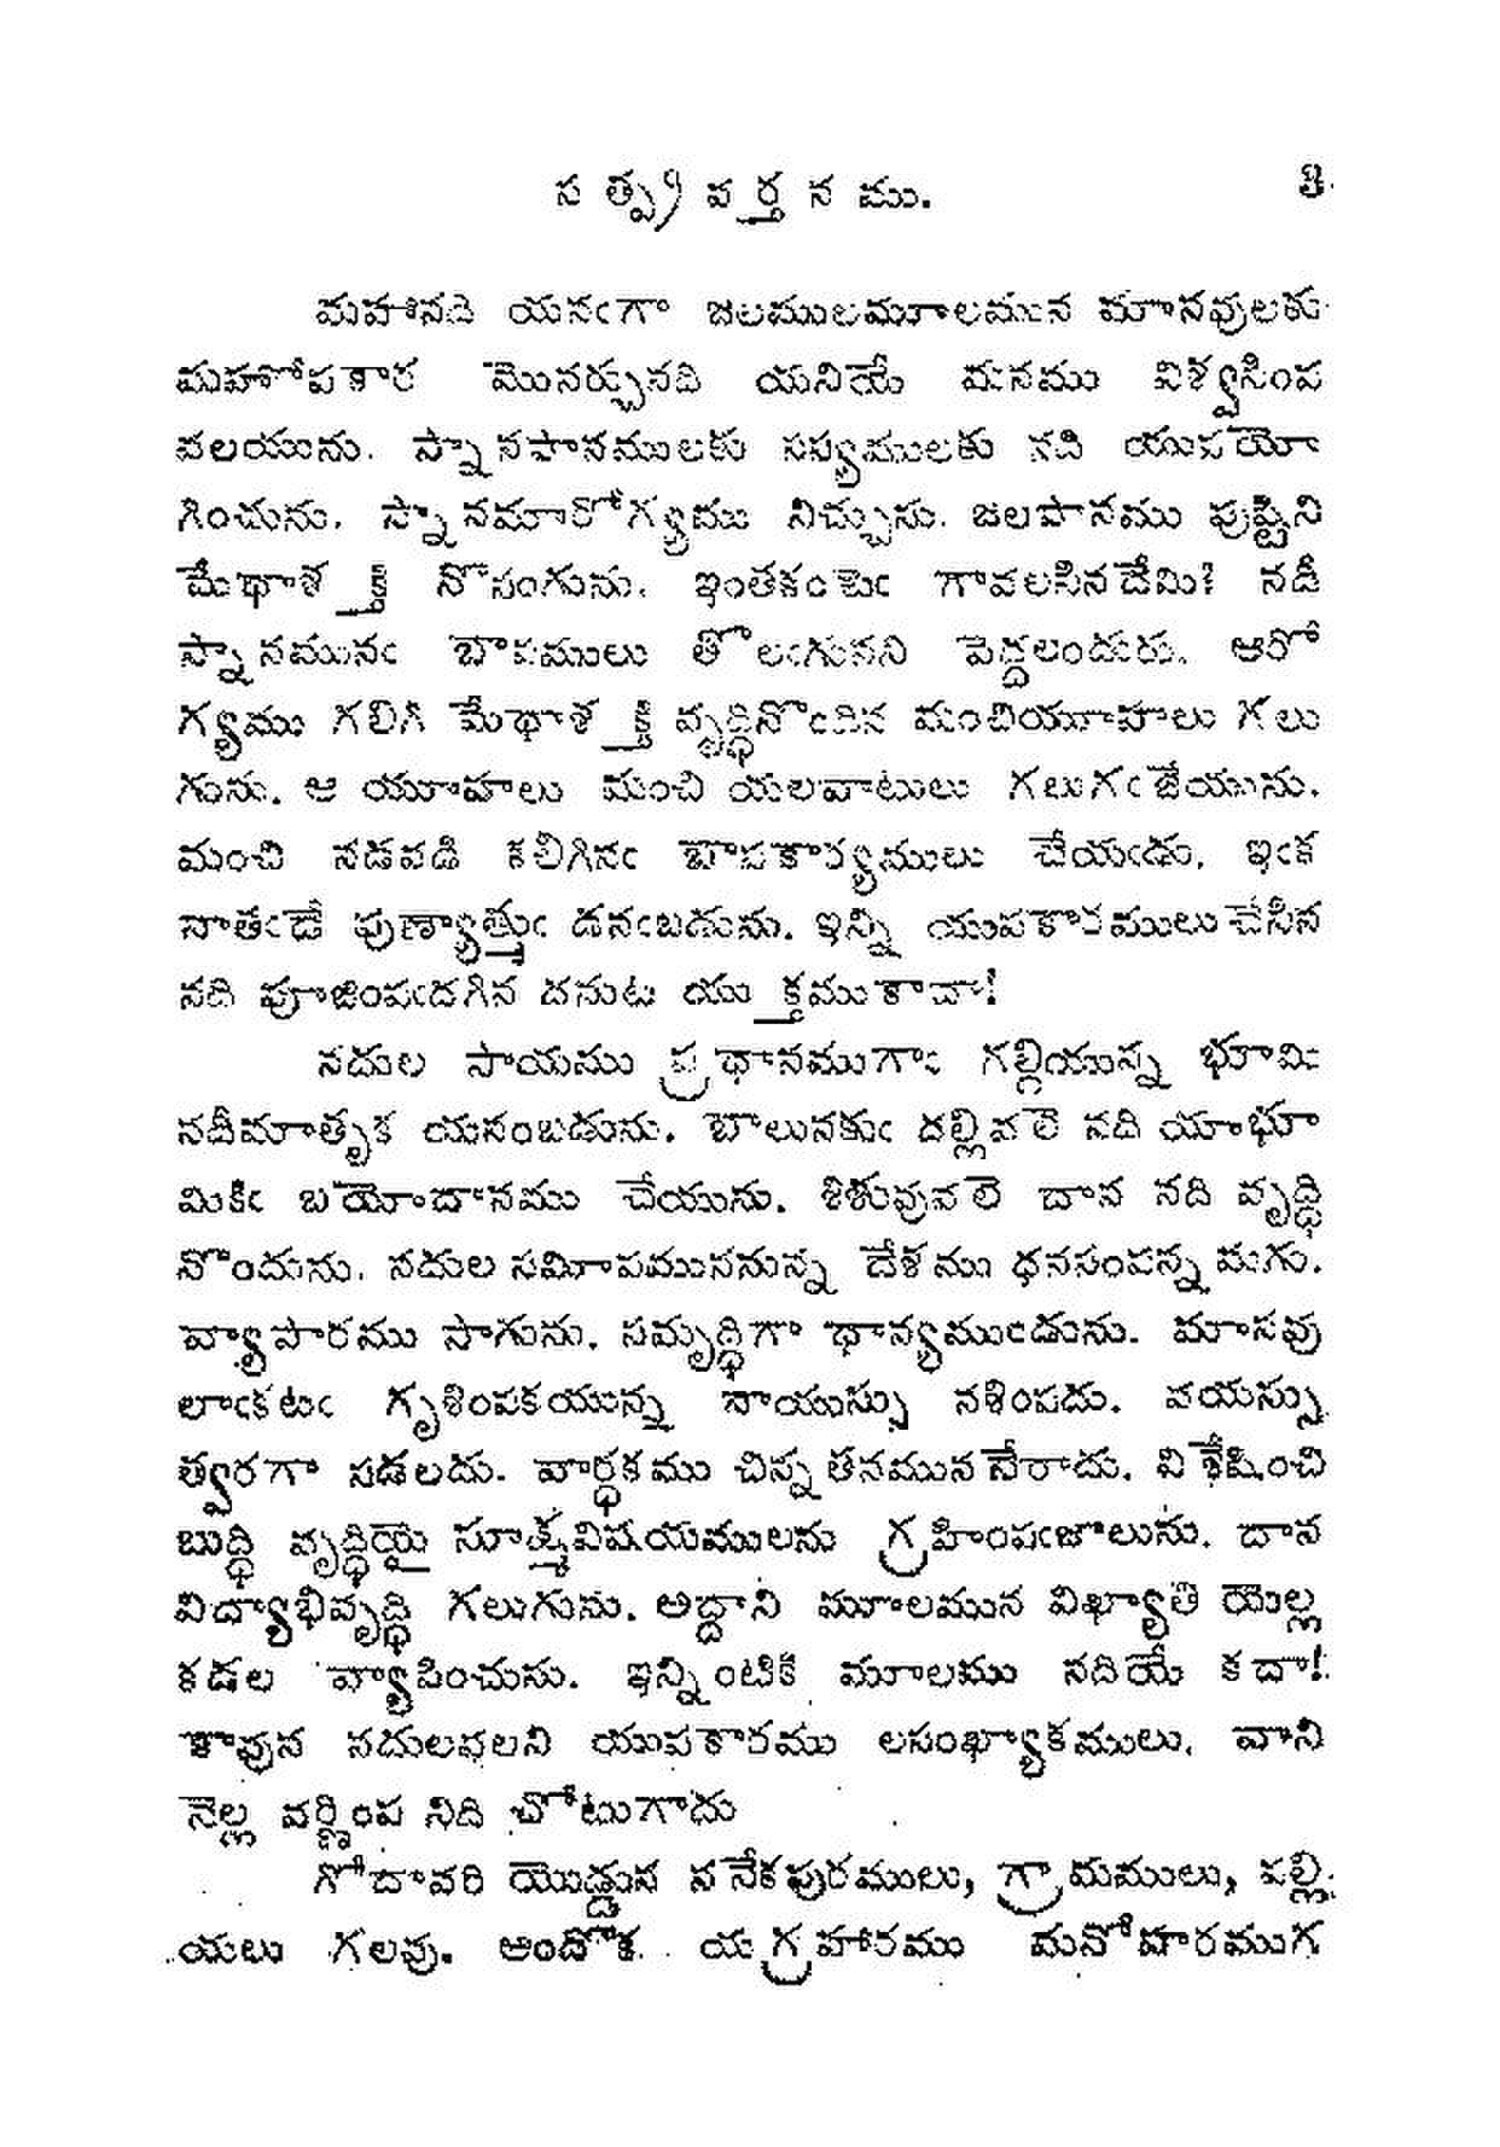మహానది యనఁగా జలములమూలమున మానవులకు మహోపకార "మొనర్చునది యనియే మనము విశ్వసింప వలయును. స్నానపానములకు సుస్వములకు నది యుపయో గించును. స్నానమారోగ్యము నిచ్చును. జలపానము పుష్టిని మేథాశక్తి నొసంగును. ఇంతకంటె గావలసిన దేమి? నదీ స్నానమునఁ బాపములు తొలగునని పెద్దలందురు, ఆరోగ్యము గలిగి మేథాశక్తి వృద్ధినొందిన మంచియూహలు గలుగును. ఆ యూహలు మంచి యలవాటులు గలుగఁ జేయును. మంచి నడవడి కలిగిసం బాపకార్యములు చేయఁడు, ఇక నాతఁడే పుణ్యాతుఁ డనఁబడును. ఇన్ని యుపకారములు చేసిన నది పూజింపఁదగిన దనుటయుక్తము కాదా!

నదుల సాయము ప్రధానముగా గల్గియున్న భూమి. నదీమాతృక యనంబడును. బాలునకుఁ దల్లివలె నది యా భూమీకి బయోదానము చేయును. శిశువునలె దాన నదీ వృద్ధి నొందును. నదుల సమీపముననున్న దేశము ధనసంపన్నమగు. వ్యాసారము సాగును, సమృద్ధిగా ధాన్యముండును. మాసవు లాఁకటఁ గృశింపక యున్న నాయుస్సు నశింపదు. వయస్సు త్వరగా సడలదు. వార్ధకము చిన్న తనముననేరాదు. విశేషించి బుద్ది వృద్ధియై సూక్ష్మ విషయములను గ్రహింపఁజూలును. దాన విద్యాభివృద్ధి గలుగును. అద్దాని మూలమున విఖ్యాతి యెల్ల కడల వ్యాపించును. ఇన్నింటికి మూలము నదియే కదా! కావున నదులపలని యుపకారము లసంఖ్యాకములు, వానీ నెల్ల వర్ణింప నిది చోటుగాదు .

గోదావరి యొడ్డున ననేక పురములు, గ్రామములు, పల్లియలు గలవు. ఆందోక యగ్రహారము మనోహరముగ